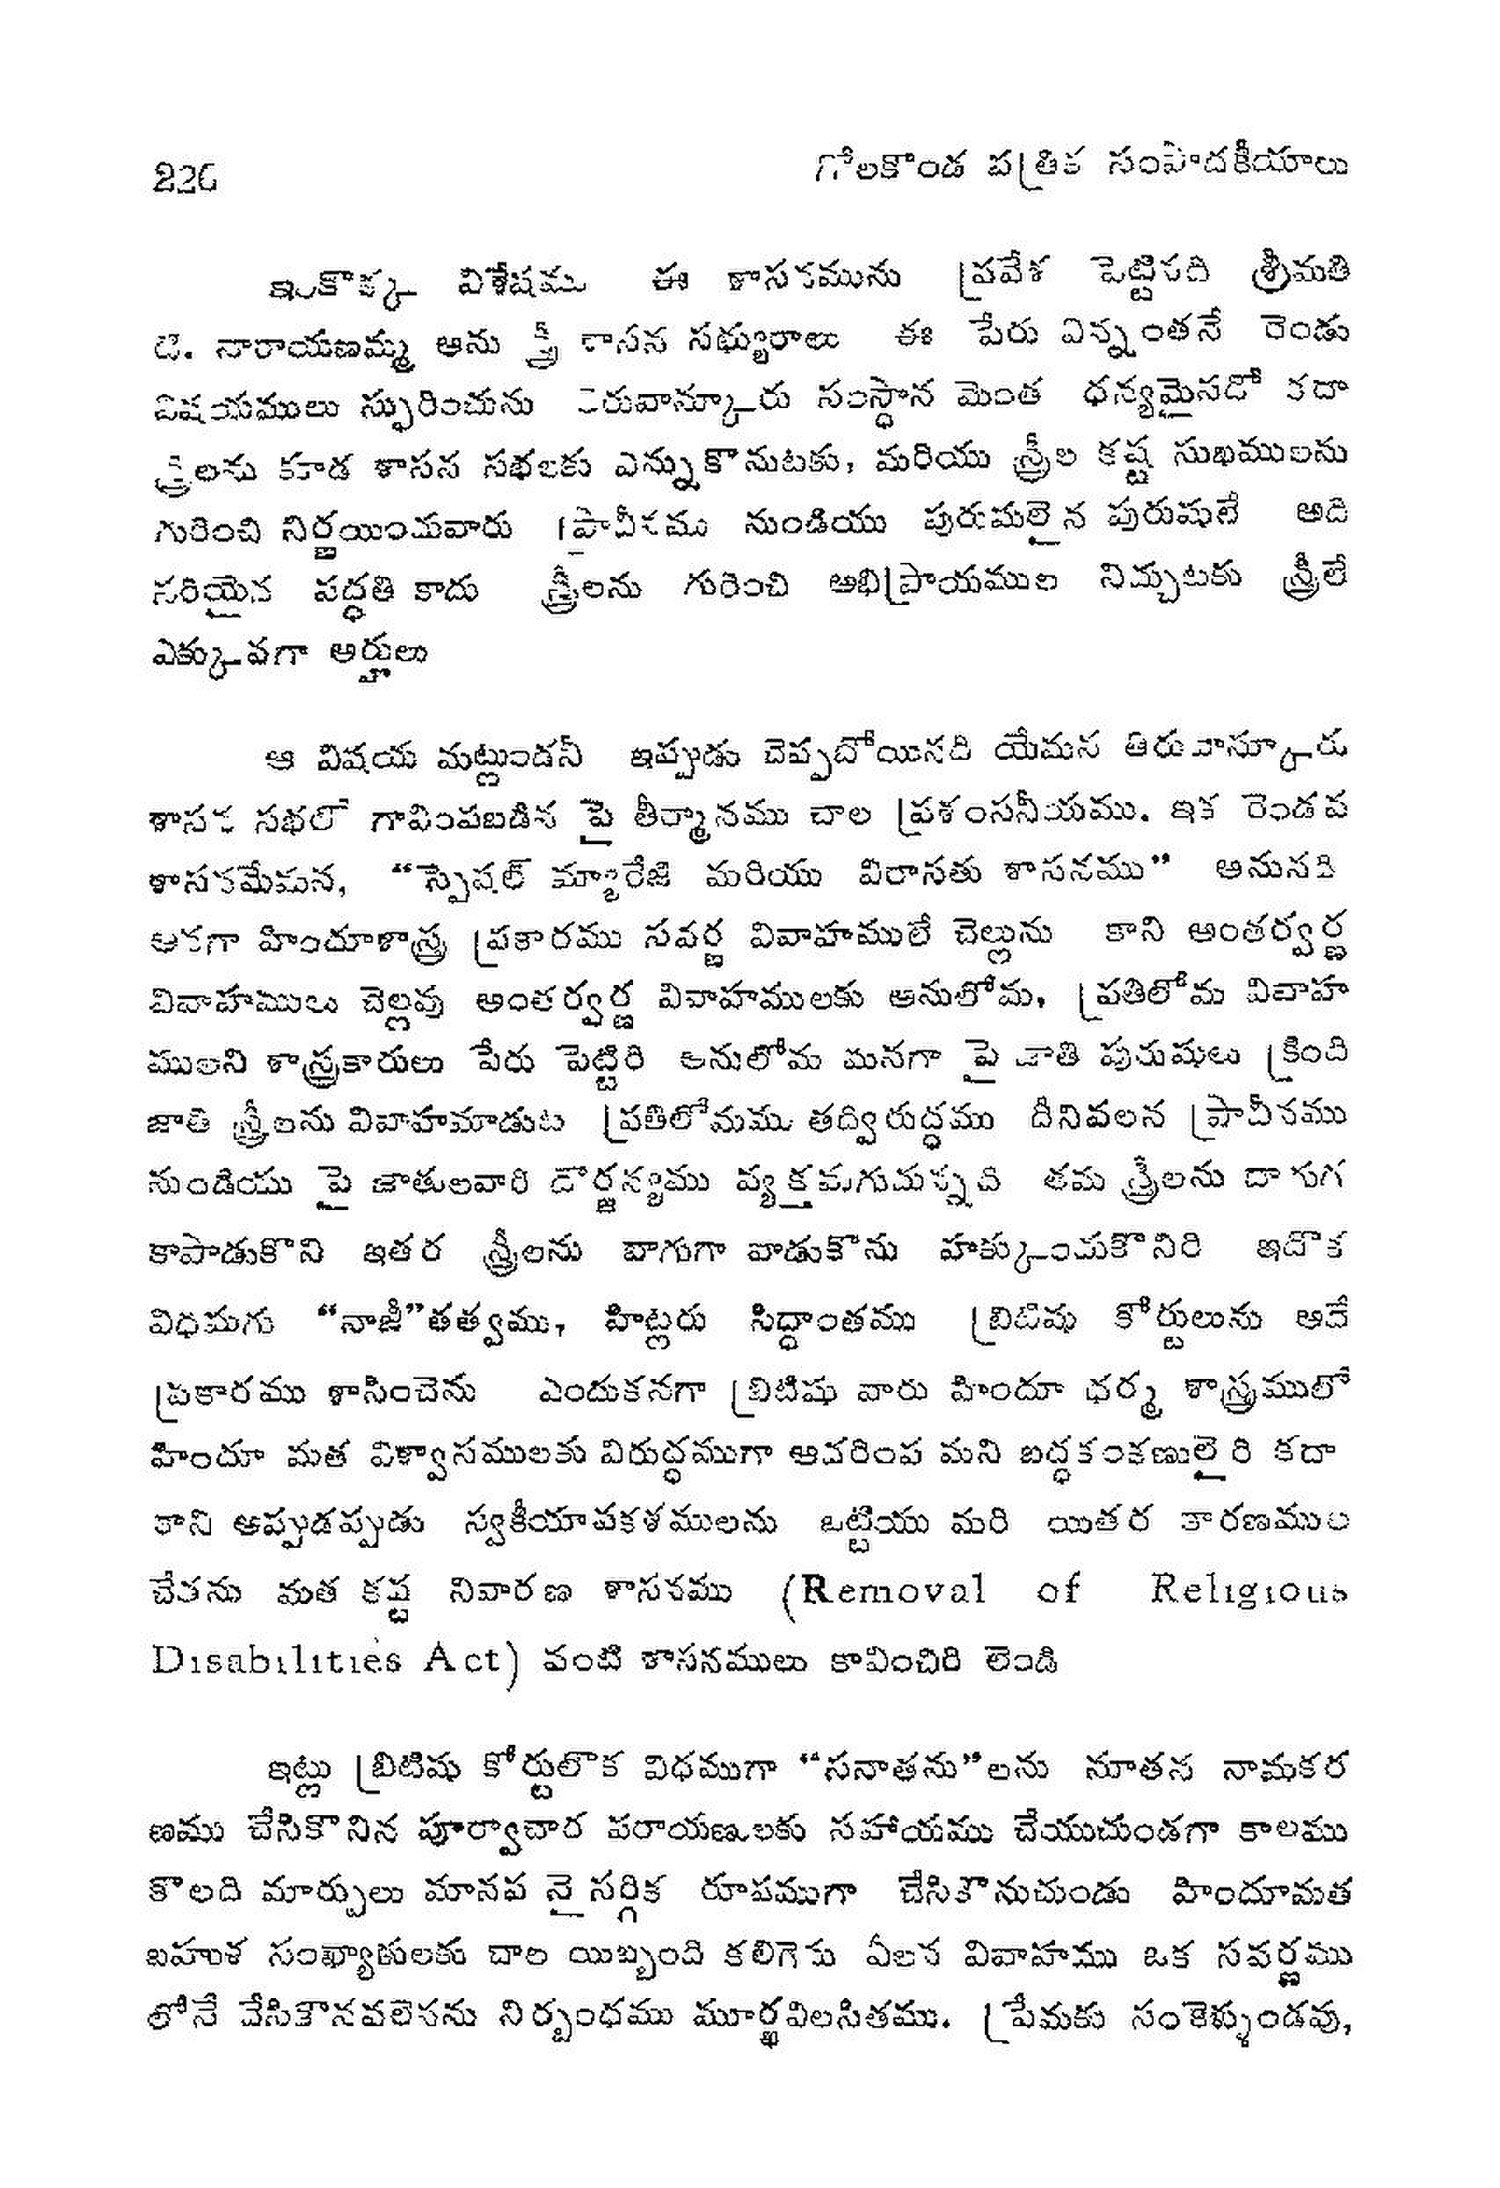ఇంకొక్క విశేషము ఈ శాసనమును ప్రవేశ పెట్టినది శ్రీమతి టి. నారాయణమ్మ అను స్త్రీ శాసన సభ్యురాలు ఈ పేరు విన్నంతనే రెండు విషయములు స్ఫురించును తిరువాన్కూరు సంస్థాన మెంత ధన్యమైనదో కదా స్త్రీలను కూడ శాసన సభలకు ఎన్నుకొనుటకు, మరియు స్త్రీల కష్ట సుఖములను గురించి నిర్ణయించువారు ప్రాచీనము నుండియు పురుషులైన పురుషులే అది సరియైన పద్ధతి కాదు స్త్రీలను గురించి అభిప్రాయముల నిచ్చుటకు స్త్రీలే ఎక్కువగా అర్హులు

ఆ విషయ మట్లుండనీ ఇప్పుడు చెప్పబోయినది యేమన తిరువాన్కూరు శాసన సభలో గావింపబడిన పై తీర్మానము చాల ప్రశంసనీయము. ఇక రెండవ శాసనమేమన, "స్పెషల్ మ్యారేజి మరియు విరాసతు శాసనము" అనునది అనగా హిందూశాస్త్ర ప్రకారము సవర్ణ వివాహములే చెల్లును కాని అంతర్వర్ణ వివాహములు చెల్లవు అంతర్వర్ణ వివాహములకు అనులోమ ప్రతిలోమ వివాహములని శాస్త్రకారులు పేరు పెట్టిరి అనులోమ మనగా పై జాతి పురుషులు క్రింది జాతి స్త్రీలను వివాహమాడుట ప్రతిలోమము తద్విరుద్ధము దీనివలన ప్రాచీనము నుండియు పై జాతులవారి దౌర్జన్యము వ్యక్తమగుమన్నది తమ స్త్రీలను బాగుగ కాపాడుకొని ఇతర స్త్రీలను బాగుగా వాడుకొను హక్కుంచుకొనిరి ఇదొక విధమగు “నాజీ”తత్వము, హిట్లరు సిద్ధాంతము బ్రిటిషు కోర్టులును అదే ప్రకారము శాసించెను ఎందుకనగా బ్రిటిషు వారు హిందూ ధర్మ శాస్త్రములో హిందూ మత విశ్వాసములకు విరుద్ధముగా ఆచరింప మని బద్ధకంకణులైరి కదా కాని అప్పుడప్పుడు స్వకీయావకాశములను బట్టియు మరి యితర కారణముల
చేతను మత కష్ట నివారణ శాసనము (Removal of Religious Disabilities Act) వంటి శాసనములు కావించిరి లెండి

ఇట్లు బ్రిటిషు కోర్టులొక విధముగా “సనాతను”లను నూతన నామకరణము చేసికొనిన పూర్వాచార పరాయణులకు సహాయము చేయుచుండగా కాలము కొలది మార్పులు మానవ నైసర్గిక రూపముగా చేసికొనుచుండు హిందూమత బహుళ సంఖ్యాకులకు చాలా యిబ్బంది కలిగెను ఏలన వివాహము ఒక సవర్ణములోనే చేసికొనవలెనను నిర్బంధము మూర్ఖవిలసితము. ప్రేమకు సంకెళ్ళుండవు.